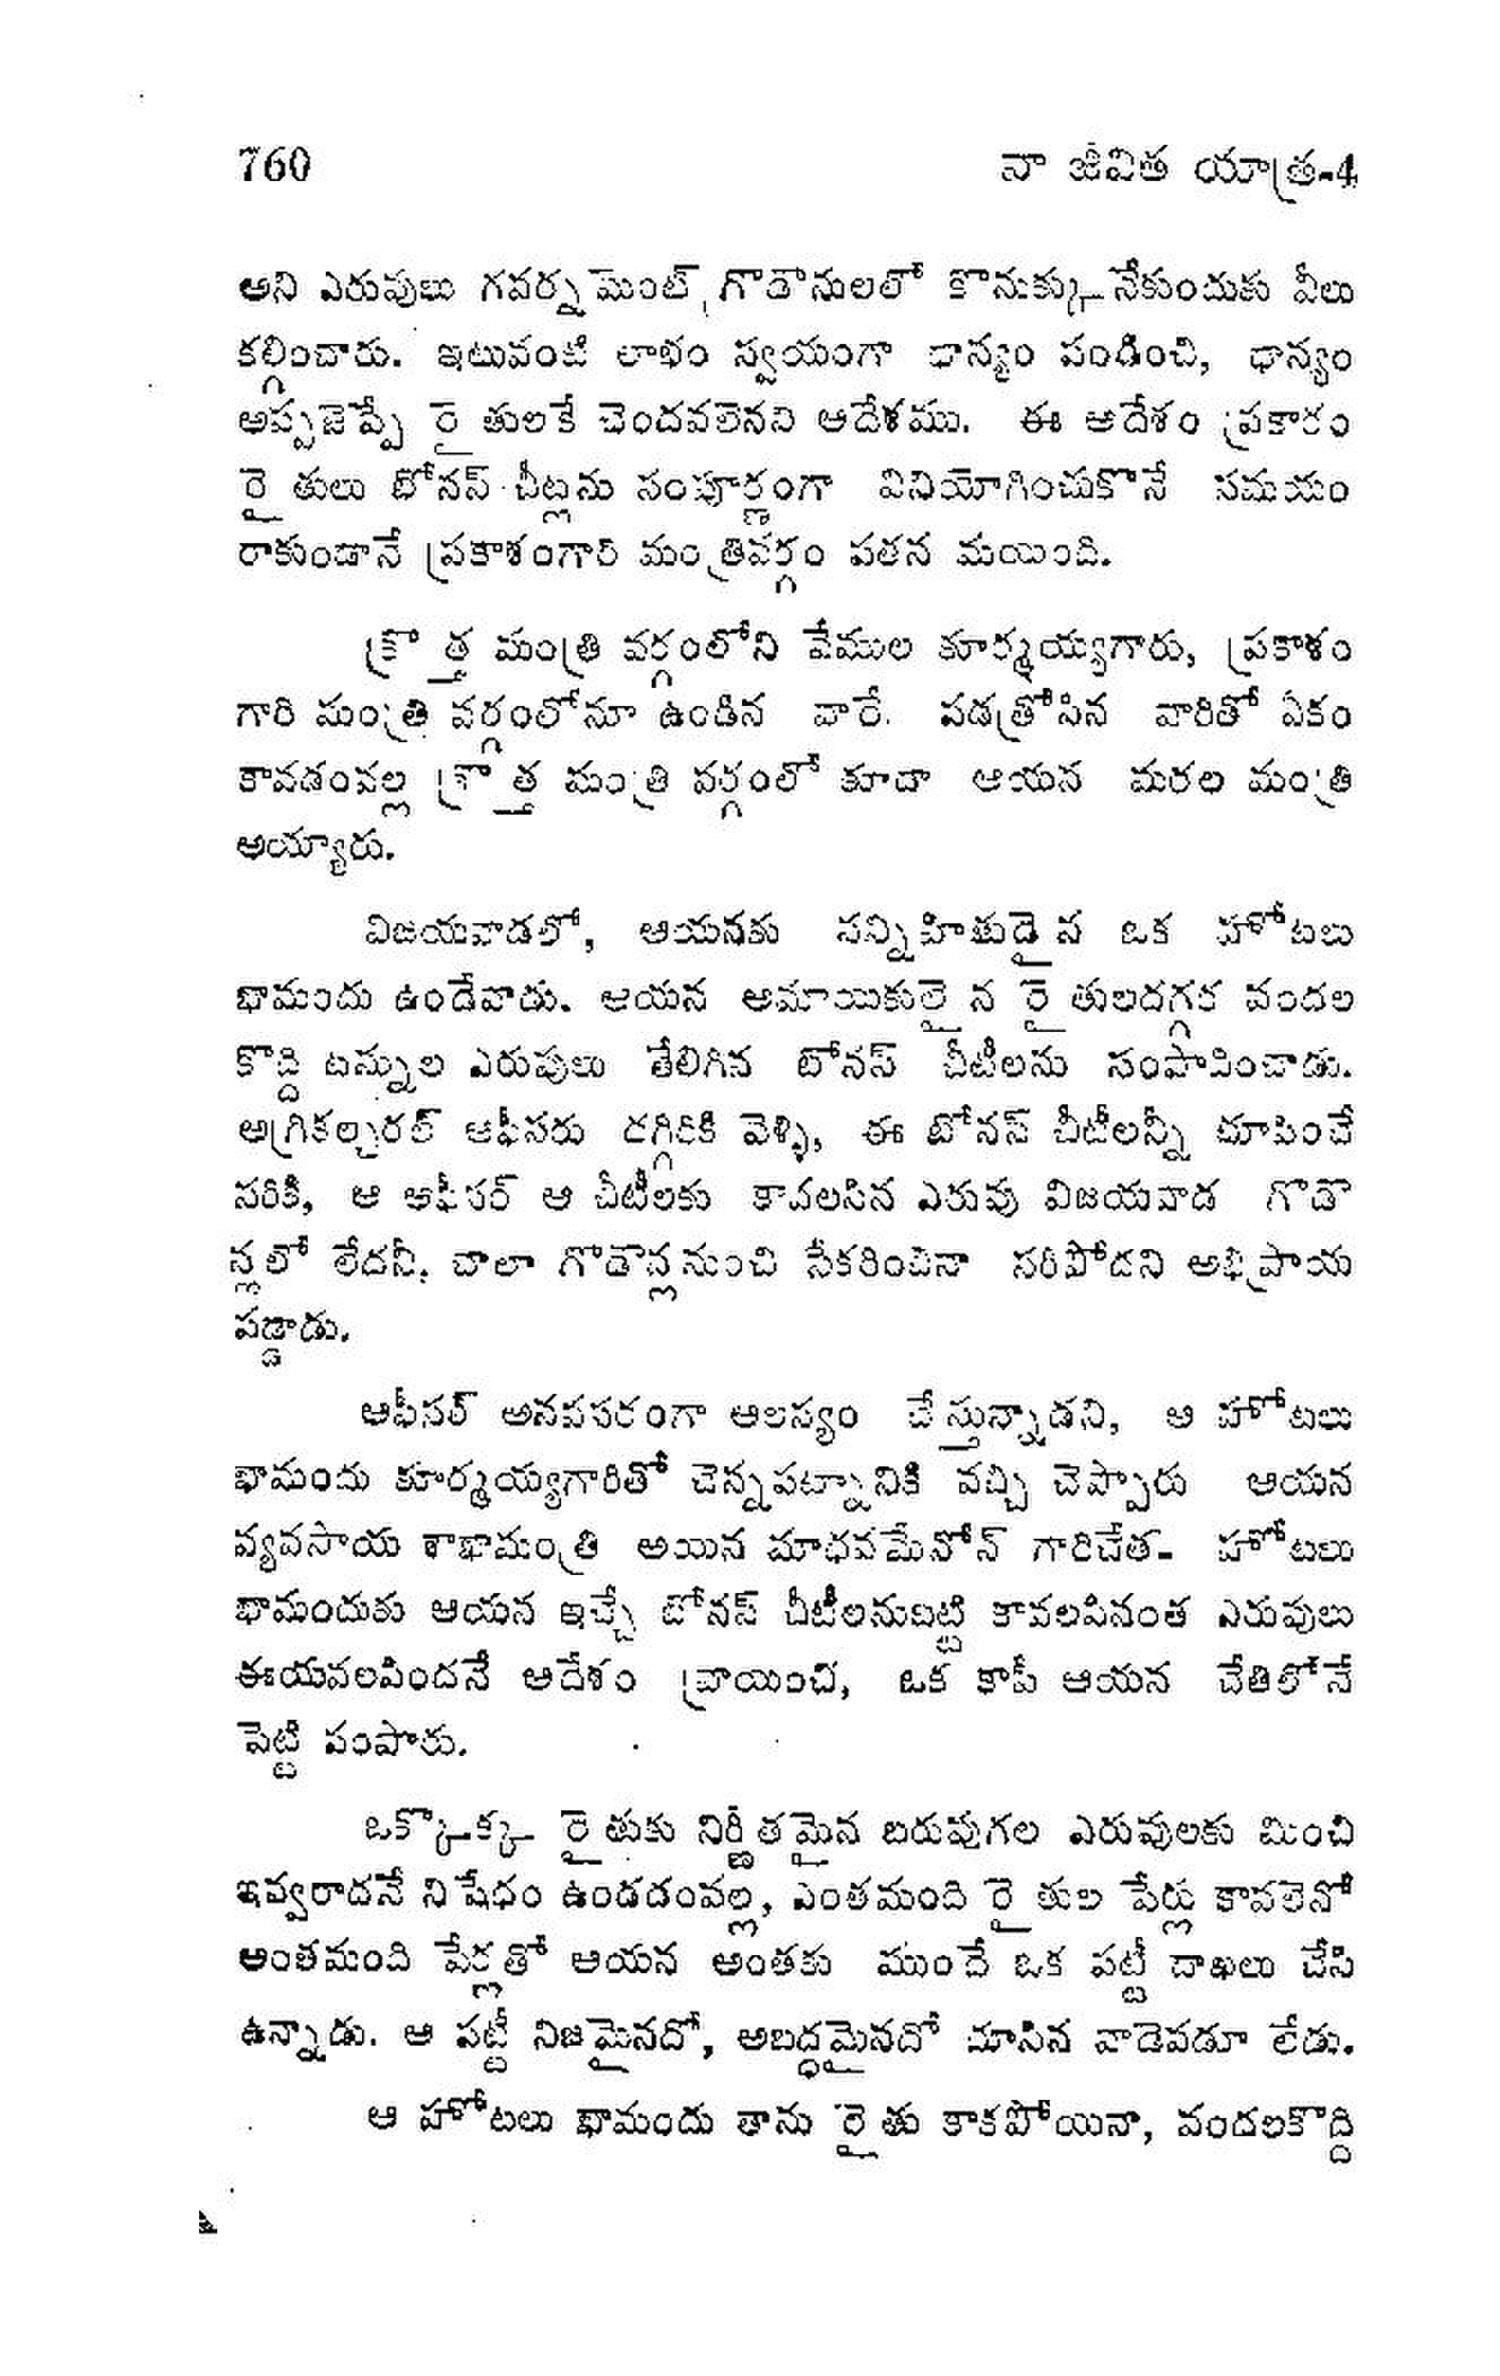అని ఎరువులు గవర్నమెంట్ గొడౌనులలో కొనుక్కునేకుందుకు వీలు కల్గించారు. ఇటువంటి లాభం స్వయంగా ధాన్యం పండించి, ధాన్యం అప్పజెప్పే రైతులకే చెందవలెనని ఆదేశము. ఈ ఆదేశం ప్రకారం రైతులు బోనస్ చీట్లను సంపూర్ణంగా వినియోగించుకొనే సమయం రాకుండానే ప్రకాశంగారి మంత్రివర్గం పతన మయింది.

క్రొత్త మంత్రి వర్గంలోని వేముల కూర్మయ్యగారు, ప్రకాశంగారి మంత్రి వర్గంలోనూ ఉండిన వారే. పడత్రోసిన వారితో ఏకం కావడంవల్ల క్రొత్త మంత్రి వర్గంలో కూడా ఆయన మరల మంత్రి అయ్యారు.

విజయవాడలో, ఆయనకు సన్నిహితుడైన ఒక హోటలు ఖామందు ఉండేవాడు. ఆయన అమాయికులైన రైతులదగ్గర వందలకొద్ది టన్నుల ఎరువులు తేలిగిన బోనస్ చీటీలను సంపాదించాడు. అగ్రికల్చరల్ ఆఫీసరు దగ్గిరికి వెళ్ళి, ఈ బోనస్ చీటీలన్నీ చూపించే సరికి, ఆ ఆఫీసర్ ఆ చీటీలకు కావలసిన ఎరువు విజయవాడ గొడౌన్లలో లేదనీ, చాలా గొడౌన్లనుంచి సేకరించినా సరిపోదని అభిప్రాయ పడ్డాడు.

ఆఫీసర్ అనవసరంగా ఆలస్యం చేస్తున్నాడని, ఆ హోటలు ఖామందు కూర్మయ్యగారితో చెన్నపట్నానికి వచ్చి చెప్పారు. ఆయన వ్యవసాయ శాఖామంత్రి అయిన మాధవమేనోన్ గారిచేత - హోటలు ఖామందుకు ఆయన ఇచ్చే బోనస్ చీటీలనుబట్టి కావలసినంత ఎరువులు ఈయవలసిందనే ఆదేశం వ్రాయించి, ఒక కాపీ ఆయన చేతిలోనే పెట్టి పంపారు. 

ఒక్కొక్క రైతుకు నిర్ణీతమైన బరువుగల ఎరువులకు మించి ఇవ్వరాదనే నిషేధం ఉండడంవల్ల, ఎంతమంది రైతుల పేర్లు కావలెనో అంతమంది పేర్లతో ఆయన అంతకు ముందే ఒక పట్టీ దాఖలు చేసి ఉన్నాడు. ఆ పట్టీ నిజమనదో, అబద్ధమైనదో చూసిన వాడెవడూ లేడు.

ఆ హోటలు ఖామందు తాను రైతు కాకపోయినా, వందలకొద్ది